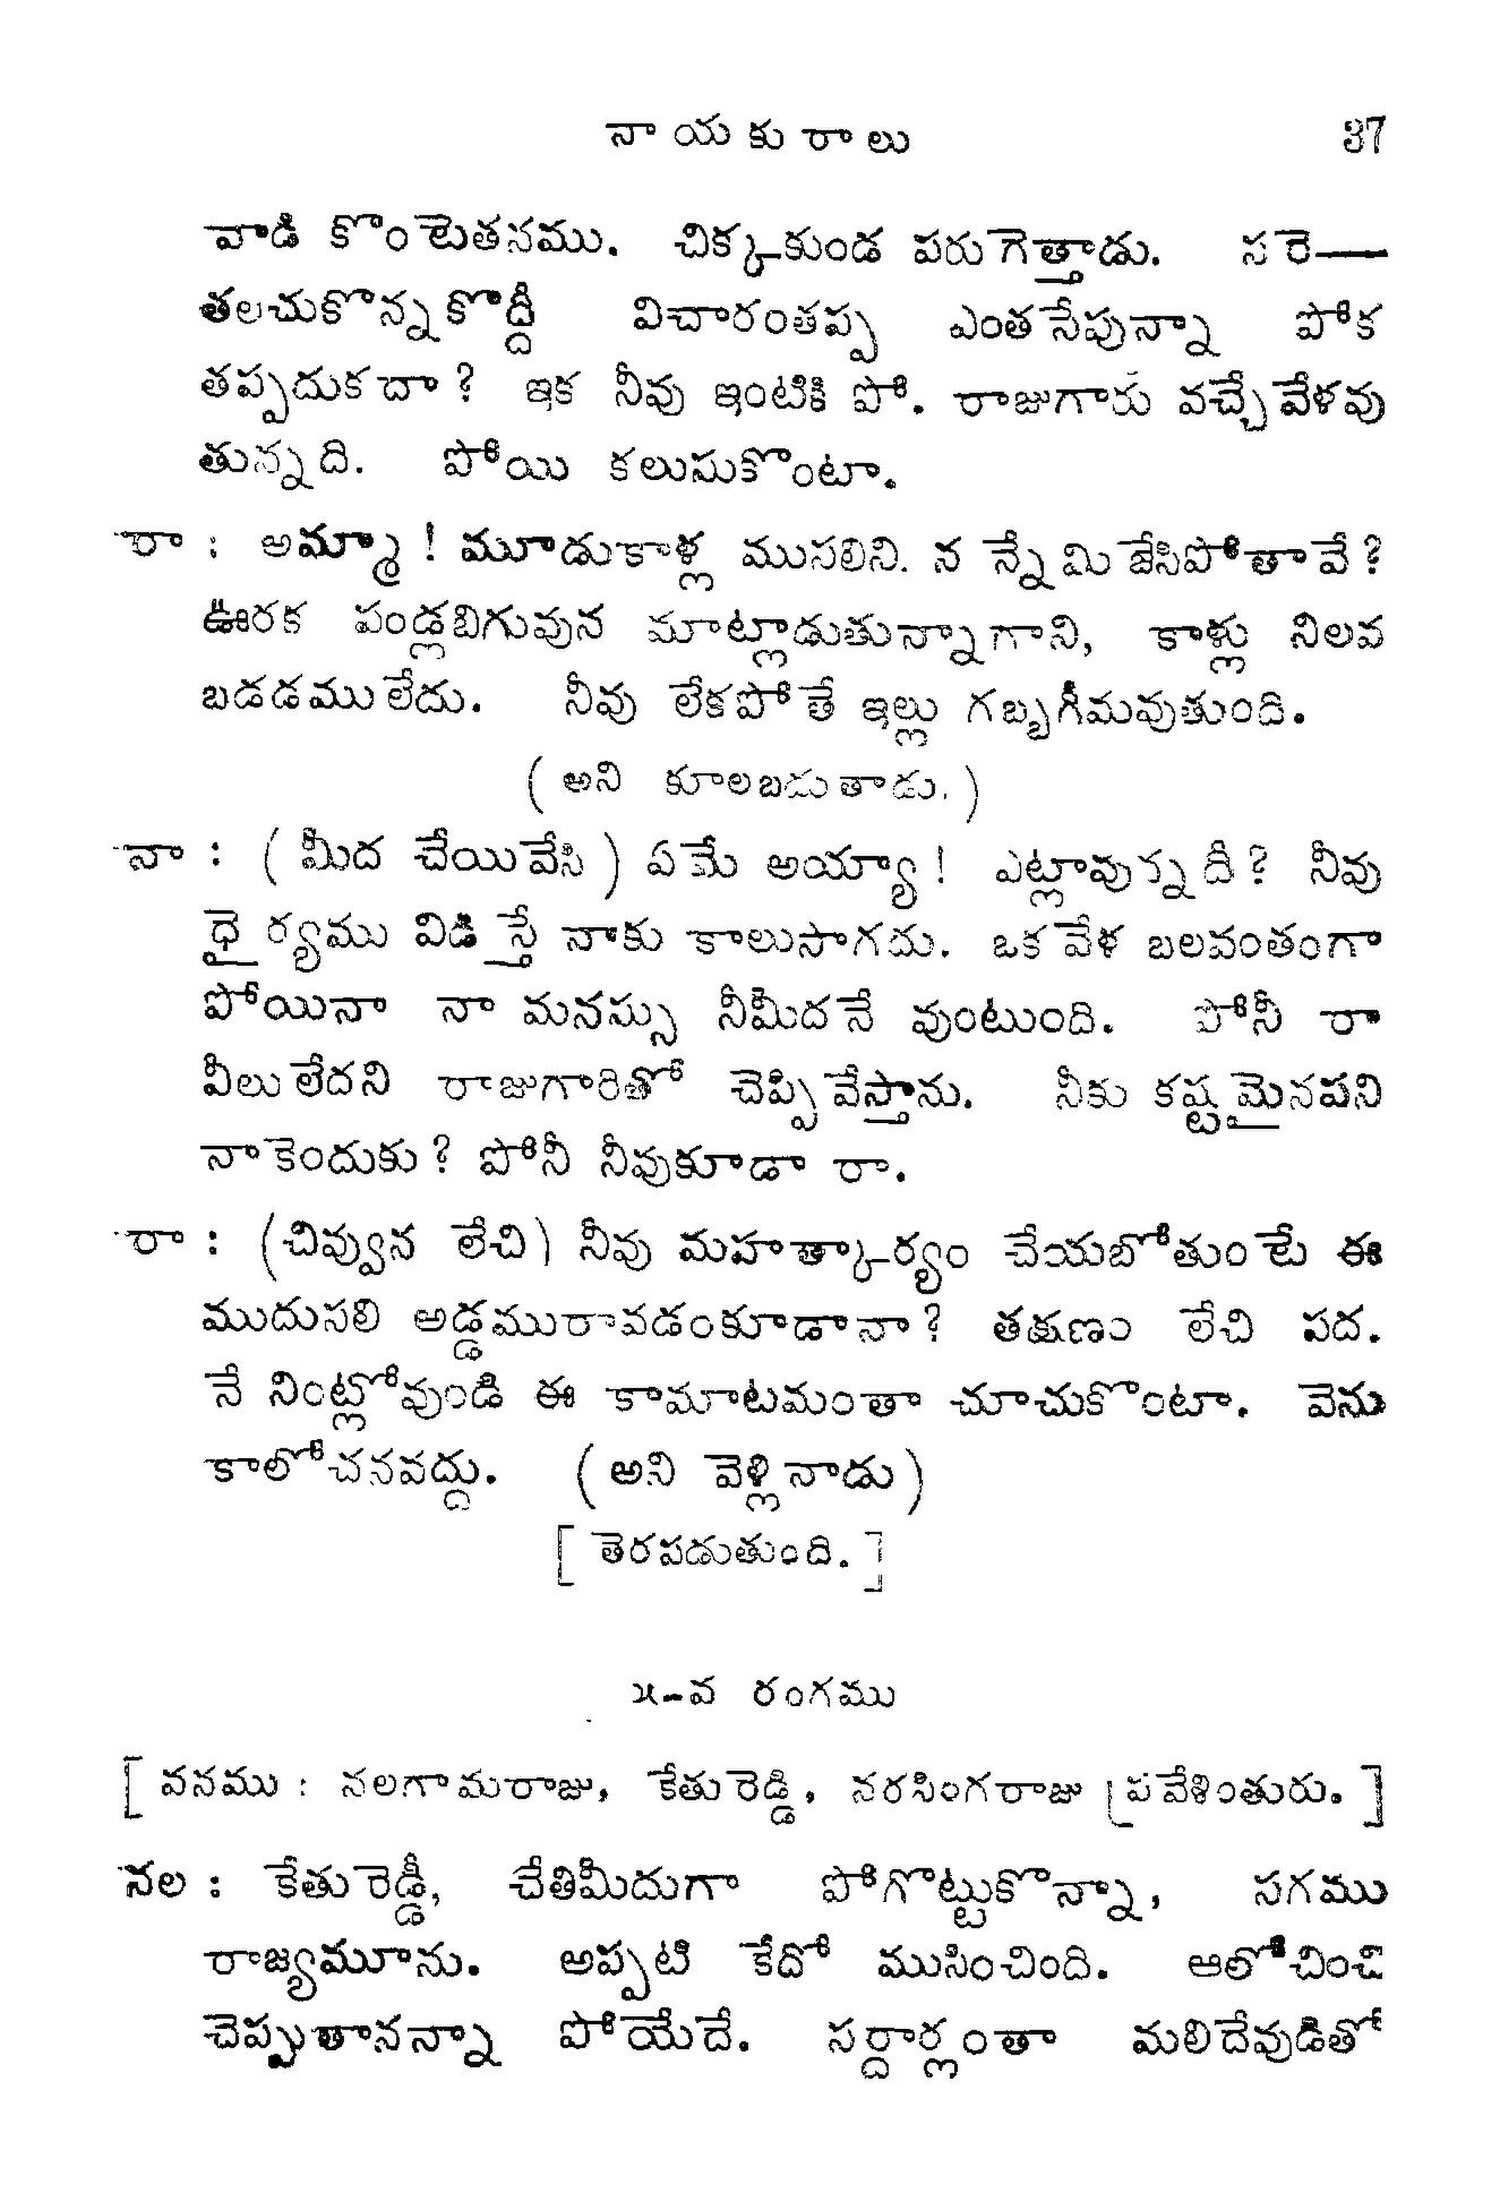వాడి కొంటెతనము. చిక్కకుండ పరుగెత్తాడు. సరె - తలచుకొన్నకొద్దీ విచారంతప్ప ఎంతసేపున్నా పోక
తప్పదుకదా? ఇక నీవు ఇంటికి పో. రాజుగారు వచ్చే వేళవు తున్నది. పోయి కలుసుకొంటా.

రా : అమ్మా ! మూడుకాళ్ల ముసలిని. నన్నేమి జేసిపోతావే ? ఊరక పండ్లబిగువున మాట్లాడుతున్నాగాని, కాళ్లు నిలవబడడము లేదు. నీవు లేకపోతే ఇల్లు గబ్బగీమవుతుంది.

నా : ( మీద చేయివేసి ) ఏమే అయ్యా ! ఎట్లావున్నదీ? నీవు ధైర్యము విడిస్తే నాకు కాలుసాగదు. ఒకవేళ బలవంతంగా పోయినా నా మనస్సు నీమీదనే వుంటుంది. పోనీ రా వీలులేదని రాజుగారితో చెప్పివేస్తాను. నీకు కష్టమైనపని నా కెందుకు ? పోనీ నీవుకూడా రా.

రా: (చివ్వున లేచి) నీవు మహత్కార్యం చేయబోతుంటే ఈ ముదుసలి అడ్డమురావడంకూడానా? తక్షణం లేచి పద. నే నింట్లోవుండి ఈ కామాటమంతా చూచుకొంటా. వెనుకాలోచనవద్దు. (అని వెళ్లి నాడు)

నల: కేతురెడ్డి, చేతమీదుగా పోగొట్టుకొన్నా, సగము రాజ్యమూను. అప్పటి కేదో ముసించింది.
ఆలోచించి చెప్పుతానన్నా పోయేదే. సర్దార్లంతా మలిదేవుడితో